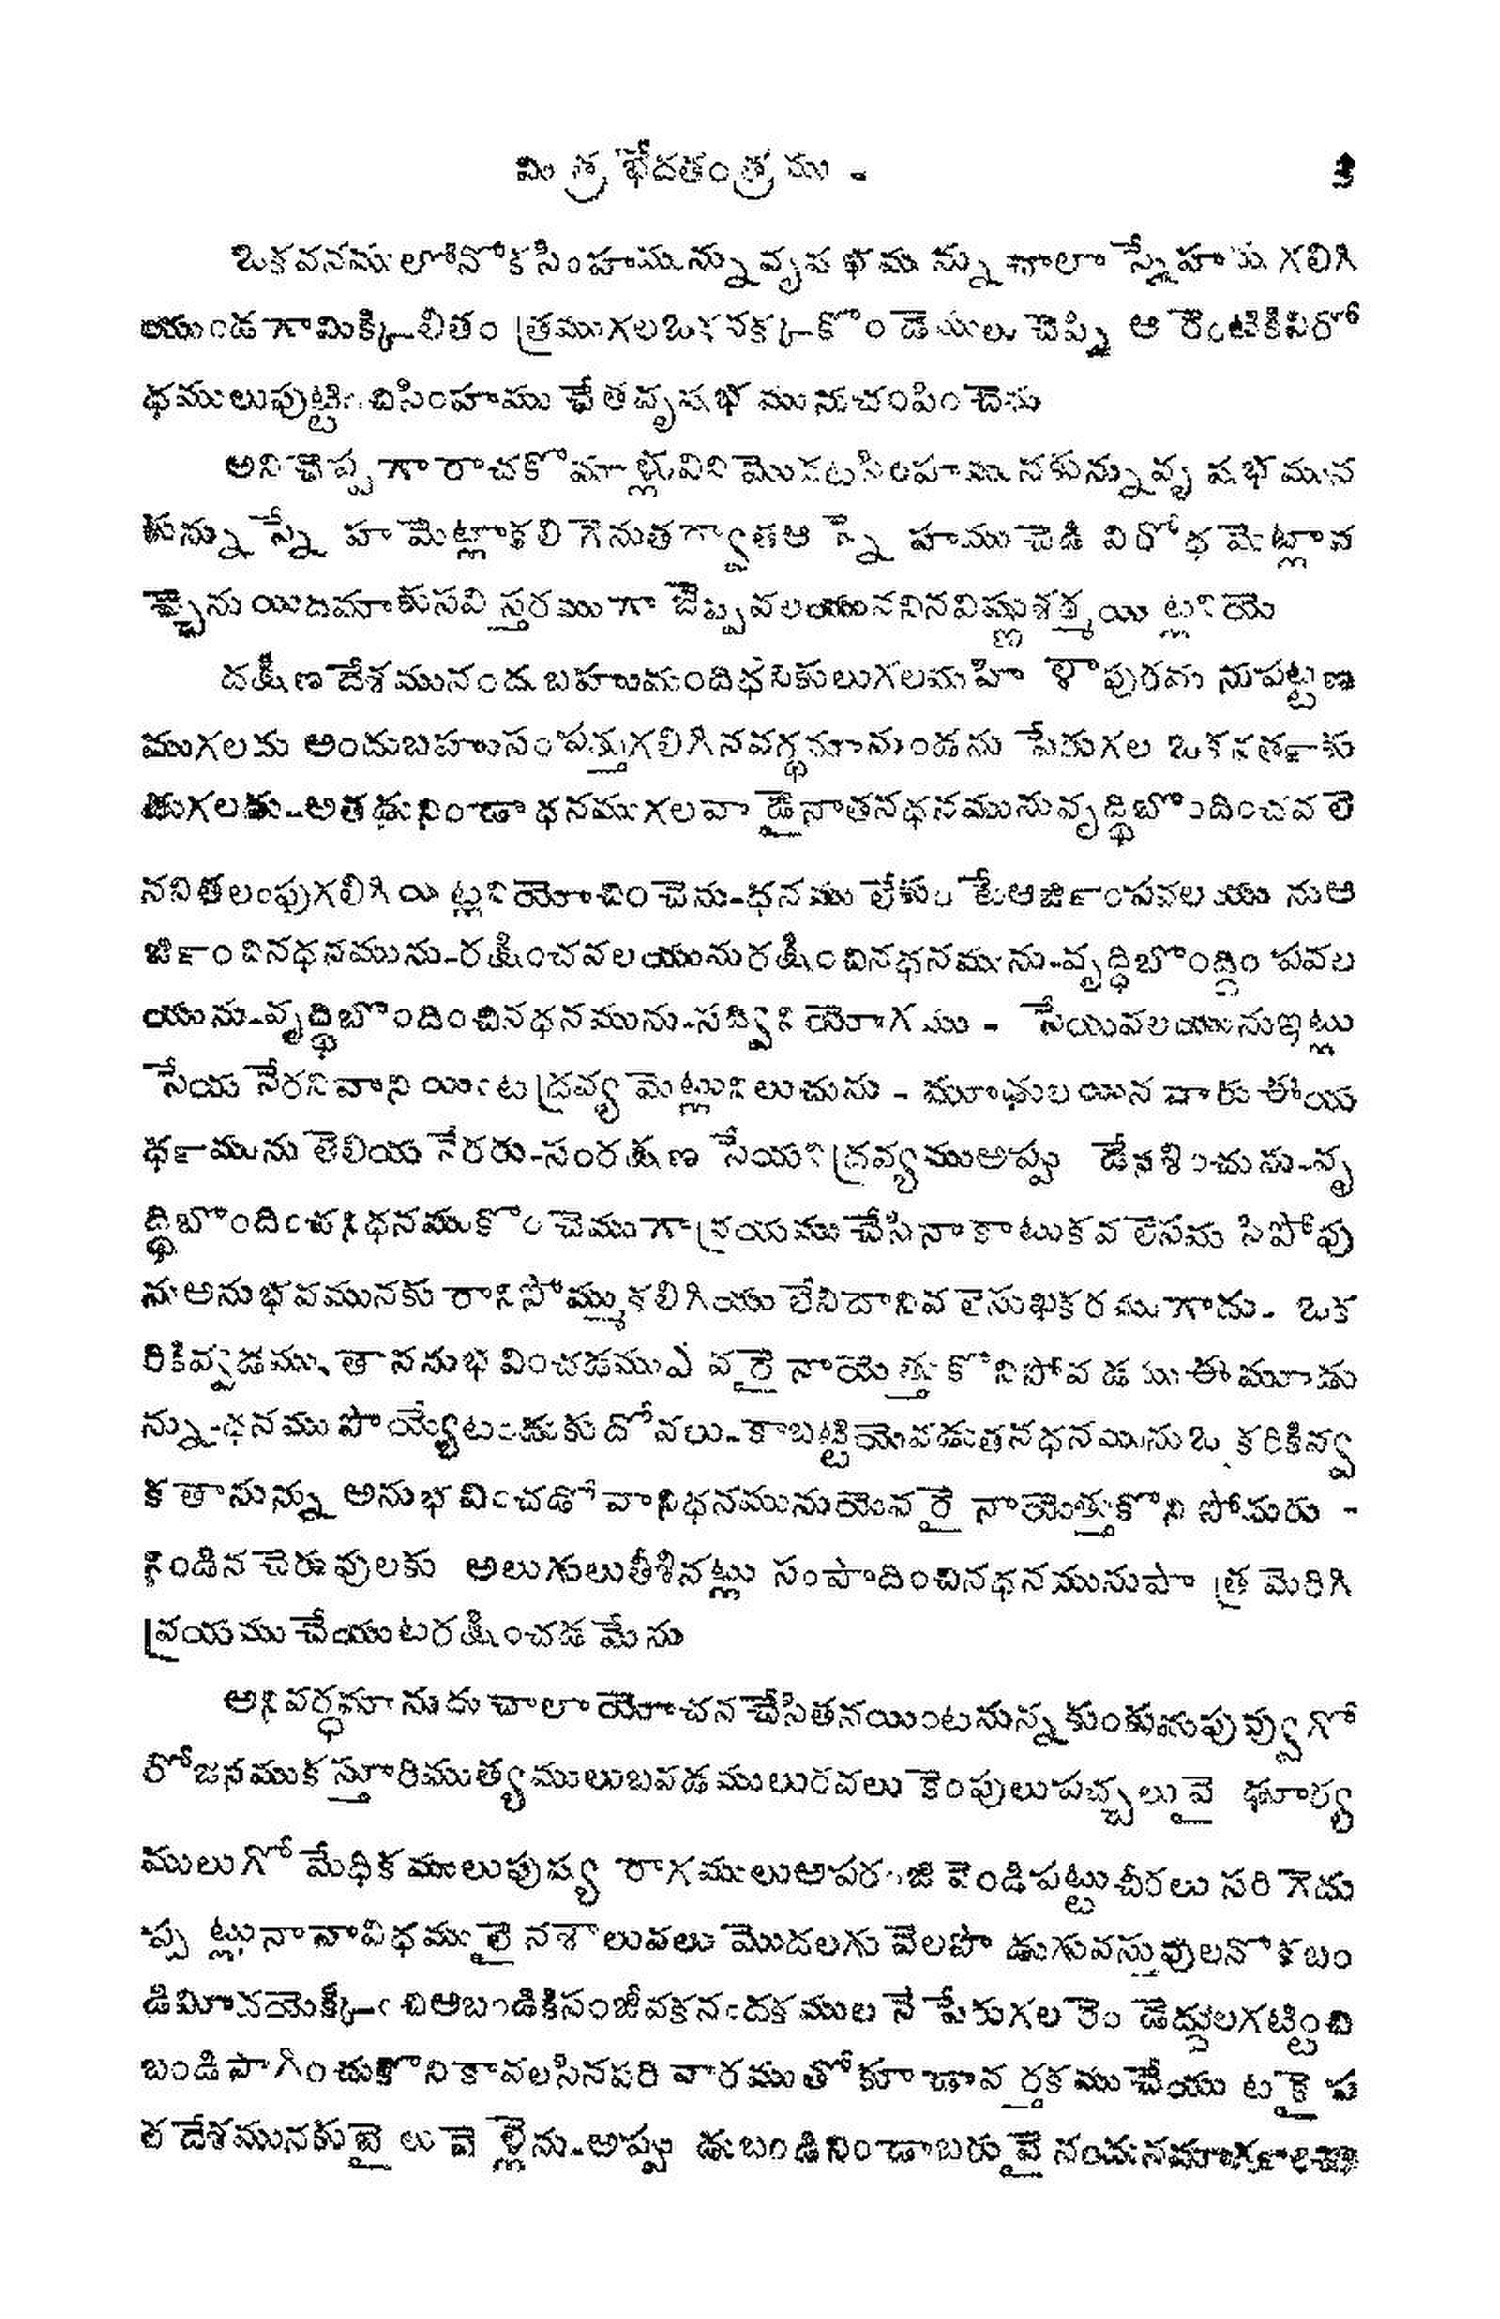మిత్రభేదతంత్రము

ఒకవనములో నొకసింహమున్నువృషభమున్ను చాలాస్నేహము గలిగియుండగా మిక్కిలితంత్రముగల ఒకనక్క కొండెములు చెప్పి ఆరెంటికి విరోధములు పుట్టించి సింహముచేత వృషభమును చంపించెను.

అని చెప్పగా రాచకొమాళ్లు విని మొదట సింహమునకున్ను వృషభమునకున్ను స్నేహ మెట్లా కలిగెను. తర్వాత ఆస్నేహము చెడి విరోధ మెట్లా వచ్చెను. యిది మాకు సవిస్తరముగా జెప్పవలయు ననిన విష్ణుశర్మ యిట్లనియె.

దక్షిణదేశమునందు బహుమందిధనికులుగల మహిళాపుర మనుపట్టణము గలదు. అందు బహుసంపత్తు గలిగిన వర్ధమానుండను పేరుగల ఒకవర్తకుడు గలడు.అతడు నిండా ధనము గలవాడైనా తనధనమును వృద్ధిబొందించవలెనని తలంపు గలిగి యిట్లని యోచించెను. ధనము లేకుంటే ఆర్జింపవలయును. ఆర్జి౦చినధనమును రక్షించవలయును. రక్షించినధనమును వృద్ధి బొందింపవలయును. వృద్ధి బొందించినధనమును సద్వినియోగము సేయివలయును. ఇట్లు సేయనేరనివానియింట ద్రవ్య మెట్లు నిలుచును. మూర్ఖులయినవారు ఈయర్థమును తెలియనేరరు. సంరక్షణ సేయని ద్రవ్యము అప్పుడే నశించును. వృద్ధి బొందించనిధనము కొంచెముగా వ్యయము చేసినా కాటుకవలె సమసిపోవును. అనుభవమునకు రానిసొమ్ము కలిగియు లేనిదానివలె సుఖకరము గాదు. ఒకరి కివ్వడము, తా ననుభవించడము ఎవరైనా యెత్తుకోనిపోవడము ఈమూడున్ను ధనము పొయ్యేటందుకు దోవలు. కాబట్టి యెవడు తనధనమును ఒకరి కివ్వక తానున్ను అనుభవించడో వానిధనమును యెవరైనా యెత్తుకొనిపోదురు. 
నిండినచెరువులకు అలుగులు తీశినట్లు సంపాదించినధనమును పాత్ర మెరిగి వ్యయము చేయుట రక్షించడమేను.

అని వర్ధమానుడు చాలాయోచన చేసి తనయింటనున్న కుంకుమపువ్వు గోరోజనము కస్తూరి ముత్యములు బవడములు రవలు కెంపులు పచ్చలు వైఢూర్యములు గోమేధికములు పుష్యరాగములు అపరంజి వెండి పట్టుచీరలు సరిగెదుప్పట్లు నానావిధములైనశాలువలు మొదలగు వెలపొడుగువస్తువుల నొకబండిమీద యెక్కించి ఆబండికి సంజీవకనందకము లనేపేరుగల రెండెద్దుల గట్టించి బండి సాగించుకొని కావలసిన పరివారముతో కూడా వర్తకము చేయుటకై పరదేశమునకు బైలువెళ్లెను. అప్పుడు బండినిండా బరువైనందున మార్గమధ్య